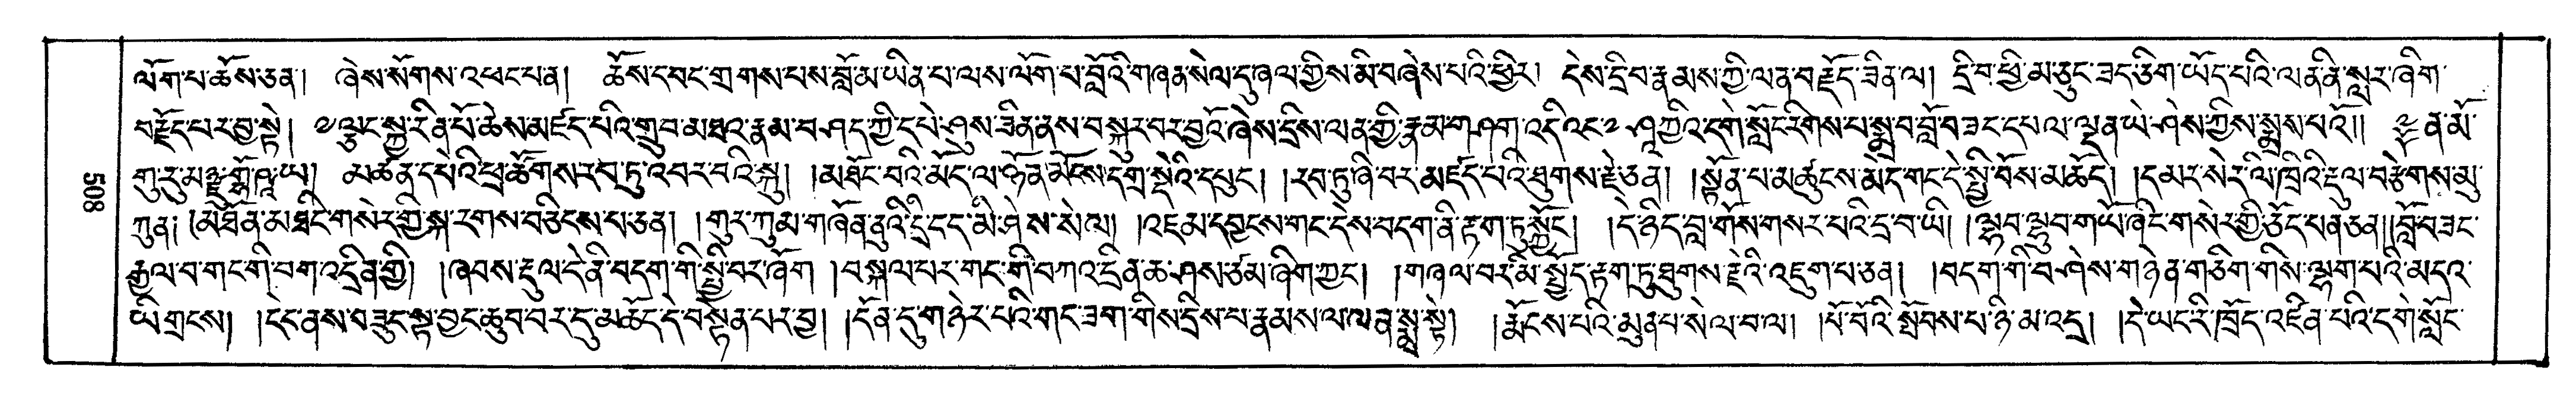ལོག་པ་ཆོས་ཅན། ཞེས་སོགས་འཕང་པ་ན། ཆོས་དབང་གྲགས་པས་བློ་མ་ཡིན་པ་ལས་ལོག་པ་བློའི་གཞན་སེལ་དུ་ཞལ་གྱིས་མི་བཞེས་པའི་ཕྱིར། དེས་དྲི་བ་རྣམས་ཀྱི་ལན་བརྗོད་ཟིན་ལ། དྲི་བ་ཕྱི་མ་ཅུང་ཟད་ཅིག་ཡོད་པའི་ལན་ནི་སླར་ཞིག་
བརྗོད་པར་བྱ་སྟེ། ༧་ལྕང་སྐྱ་རིན་པོ་ཆེས་མཛད་པའི་གྲུབ་མཐའ་རྣམ་བཤད་ཀྱི་དཔེ་ཤུས་ཟིན་ནས་བསྐུར་པར་བྱའོ། ཞེས་དྲིས་ལན་གྱི་རྣམ་གཞག་འདིའང་༧་ཤཱཀྱའི་དགེ་སློང་རིགས་པ་སྨྲ་བ་བློ་བཟང་དཔལ་ལྡན་ཡེ་ཤེས་ཀྱིས་སྨྲས་པའོ།། ༈ ན་མོ་
གུ་རུ་མཉྫུ་གྷོ་ཥཱ་ཡ། མཚན་དཔེའི་ཕྲ་ཚོགས་རབ་ཏུ་འབར་བའི་སྐུ། །མཐོང་བའི་མོད་ལ་ཉོན་མོངས་དགྲ་སྡེའི་དཔུང་། །རབ་ཏུ་ཞི་བར་མཛད་པའི་ཐུགས་རྗེ་ཅན། །སྟོན་པ་མཚུངས་མེད་གང་དེ་སྤྱི་བོས་མཆོད། །དམར་སེར་ལི་ཁྲིའི་རྡུལ་བརྩེགས་མུ་
ཀུ་ཊ༑ ༑མཐོན་མཐིང་གསེར་གྱི་སྐ་རགས་བཅིངས་པ་ཅན། །གུར་ཀུམ་གཞོན་ནུའི་དྲི་ངད་མི་ཤེས་སེལ། །འཇམ་དབྱངས་གང་དེས་བདག་ནི་རྟག་ཏུ་སྐྱང་། །དེ་ཉིད་བླ་གོས་གསར་པའི་དྲ་བ་ཡི། །ལྷབ་ལྷུབ་གཡོ་ཞིང་གསེར་གྱི་ཅིད་པན་ཅན། །བློ་བཟང་
རྒྱལ་བ་གང་གི་བཀའ་དྲིན་གྱི། །ཞབས་རྡུལ་དེ་ནི་བདག་གི་སྤྱི་བོར་ཞོག །བསྐལ་བར་གང་གི་བཀའ་དྲིན་ཆ་ཤས་ཙམ་ཞིག་ཀྱང་། །གཞལ་བར་མི་སྤྱོད་རྟག་ཏུ་ཐུགས་རྗེའི་འཇུག་པ་ཅན། །བདག་གི་བཤེས་གཉེན་གཅིག་གིས་ལྷག་པའི་མདའ་
ཡི་གྲངས། །དེང་ནས་བཟུང་སྟེ་བྱང་ཆུབ་བར་དུ་མཆོད་དེ་བསྟེན་པར་བྱ། །དོན་དུ་གཉེར་བའི་གང་ཟག་གིས་དྲིས་པ་རྣམས་ལ་ལན་སྨྲ་སྟེ། །རྨོངས་པའི་མུན་པ་སེལ་བ་ལ། ཁོ་བོའི་སྤོབས་པ་ཉི་མ་འདྲ། །དེ་ཡང་རི་ཁྲོད་འཛིན་པའི་དགེ་སློང་